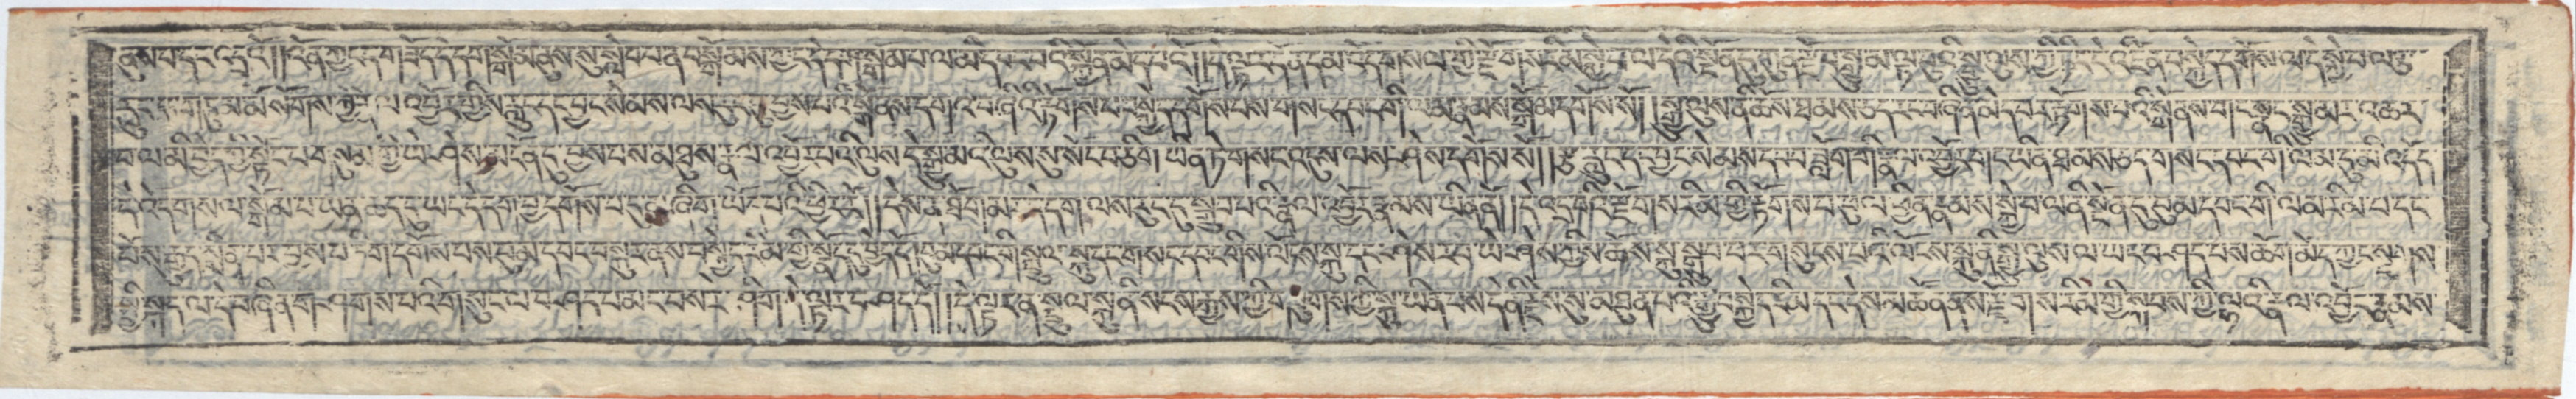ནུས་པ་དང་འདྲའོ། །འོན་ཀྱང་དེ་གཟོད་དེ་དག་སྒོམ་ནུས་སུ་སླེབ་པ་ན་བསྒོམས་ཀྱང་དེ་དག་སྒོམ་པ་ལ་མི་དབང་བའི་སྐྱོན་མེད་པའོ། །དེ་ལྟར་དོན་དམ་འོད་གསལ་གྱི་རྫོགས་རིམ་སྐྱེ་བ་ལ་དེའི་སྔོན་དུ་ཀུན་རྫོབ་སྒྱུ་མ་ལྟ་བུའི་སྒྱུ་ལུས་ཀྱི་ཏིང་ངེ་འཛིན་བསྐྱེད་དགོས་ལ་དེ་སྐྱེ་བ་ལ་རྩ་
ཁྲུང་དང་གཏུམ་མོ་སོགས་ཀྱི་རྣལ་འབྱོར་གྱིས་རླུང་དང་བྱང་སེམས་ལས་རུང་དུ་བྱས་པའི་སྒོ་ནས་དགའ་བཞིའི་རྟོགས་པ་བསྐྱེད་དགོས་པས་གསང་དབང་གི་ལམ་རྣམས་སྒོམ་དགོས་སོ། །སྒྱུ་ལུས་ནི་ཆོས་ཐམས་ཅད་རང་བཞིན་མེད་པར་རྟོགས་པའི་སྒོ་ནས་གང་སྣང་སྒྱུ་མར་འཆར་
བ་ལ་མི་བྱེད་ཀྱི་སྟོང་པ་གསུམ་གྱི་ཡེ་ཤེས་མངོན་དུ་བྱས་པས་མཐུས་རྣལ་འབྱོར་བའི་ལུས་དེ་སྒྱུ་མའི་ལུས་སུ་སོང་བ་ཅིག་ཡིན་ཏེ་གསང་འདུས་ལས་ཤེས་དགོས་སོ། །རྩ་རླུང་དང་བྱང་སེམས་དབབ་ཟློག་གི་རྣལ་འབྱོར་གང་ཡིན་ཐམས་ཅད་གསང་དབང་གི་ལམ་དུ་མི་འདོད་
དེ་འོད་གསལ་སྒོམ་པ་ཡན་ཆད་དུ་ཡང་དེ་དག་བྱ་དགོས་པ་དུ་མ་ཞིག་ཡོད་པའི་ཕྱིར་རོ། །དེས་ན་ཐོག་མར་དེ་དག་ལས་རུང་དུ་སྒྲུབ་པའི་རྣལ་འབྱོར་རྣམས་ཡིན་ནོ། །དེ་འདྲ་བའི་རྫོགས་རིམ་གྱི་རྟོགས་པ་ཕུལ་ཕྱིན་རྣམས་སྐྱེ་བ་ལ་ནི་སྔོན་དུ་བུམ་དབང་གི་ལམ་རིམ་པ་དང་
པོས་རྒྱུད་སྨིན་པར་བྱས་པ་ཅིག་དགོས་པས་བུམ་དབང་བསྐུར་ནས་བསྐྱེད་རིམ་གྱི་སྣོད་དུ་བྱེད་དོ། བུམ་དབང་གི་སྤྲུལ་སྐུ་དང་གསང་དབང་གིས་ལོངས་སྐུ་དང་ཤེས་རབ་ཡེ་ཤེས་ཀྱིས་ཆོས་སྐུ་སྒྲུབ་པར་གསུངས་པའི་ལོངས་སྐུ་ནི་སྒྱུ་ལུས་ལ་ཡང་བཤད་པས་ཆོག་མོད་ཀྱང་སྔགས་
སྤྱི་སྐད་ལ་དེ་བཞིན་གཤེགས་པའི་གསུང་ལ་བཤད་པ་མང་བས་རེ་ཤིག་དེ་ལྟར་བཤད་དོ། །དེ་ལྟར་ན་སྤྲུལ་སྐུ་ནི་སངས་རྒྱས་ཀྱི་གཟུགས་ཀྱི་སྐུ་ཡིན་པས་དེ་ནི་རྗེས་སུ་མཐུན་པའི་རྒྱུ་བསྐྱེད་རིམ་དང་དེས་མཚོན་ནས་རྫོགས་རིམ་གྱི་སྐབས་ཀྱི་ལྷའི་རྣལ་འབྱོར་རྣམས་